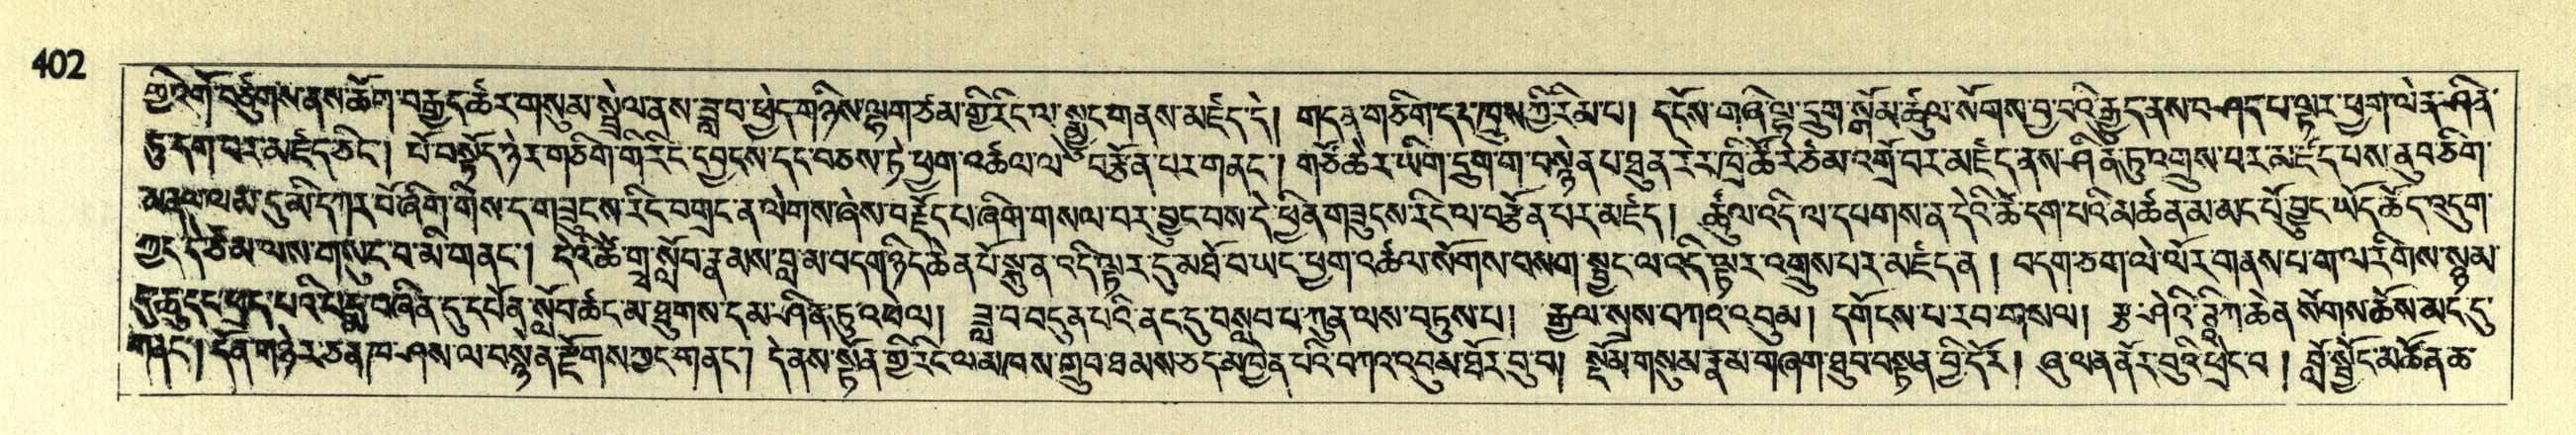གྱི་འགོ་བཙུགས་ནས་ཆོག་བརྒྱད་ཚར་གསུམ་སྦྲེལ་ནས་ཟླ་བ་ཕྱེད་གཉིས་ལྷག་ཙམ་གྱི་རིང་ལ་སྨྱུང་གནས་མཛད་དེ། གདན་གཅིག་དང་ཁྲུས་ཀྱི་རིམ་པ། དངོས་གཞི་ལྷ་དྲུག་སྒོམ་ཚུལ་སོགས་བྱ་བའི་རྒྱུད་ནས་བཤད་པ་ལྟར་ཕྱག་ལེན་ཤིན་
ཏུ་དག་བར་མཛད་ཅིང་། པོ་བསྟོད་ཉེར་གཅིག་གི་རིང་དབྱངས་དང་བཅས་ཏེ་ཕྱག་འཚལ་ལ་བརྩོན་པར་གནང་། གཙོ་ཆེར་ཡིག་དྲུག་ག་བསྙེན་པ་ཐུན་རེར་ཁྲི་ཚོ་རེ་ཙམ་འགྲོ་བར་མཛད་ནས་ཤིན་ཏུ་འགྲུས་པར་མཛད་པས་ནུབ་ཅིག་
མནལ་ལམ་དུ་མི་དཀར་བོ་ཞིག་གིས་ད་གཟུངས་རིང་བགྲང་ན་ལེགས་ཞེས་བརྗོད་པ་ཞིག་གསལ་བར་བྱུང་བས་དེ་ཕྱིན་གཟུངས་རིང་ལ་བརྩོན་པར་མཛད། ཚུལ་འདི་ལ་དཔགས་ན་དེའི་ཚེ་དག་པའི་མཚན་མ་མང་པོ་བྱུང་ཡོད་ཚོད་འདུག་
ཀྱང་དེ་ཙམ་ལས་གསུང་བ་མི་གནང་། དེའི་ཚེ་གྲྭ་སློབ་རྣམས་བླ་མ་བདག་ཉིད་ཆེན་པོ་སྐུ་ན་འདི་ལྟར་དུ་མཐོ་བ་ཡང་ཕྱག་འཚལ་སོགས་བསག་སྦྱང་ལ་འདི་ལྟར་འགྲུས་པར་མཛད་ན། བདག་ཅག་ལེ་ལོར་གནས་པ་ག་ལ་རིགས་སྙམ་
དུ་ཆུད་དང་ཕྲད་པའི་པདམ་བཞིན་དུ་དཔོན་སློབ་ཚང་མ་ཐུགས་དམ་ཤིན་ཏུ་འཕེལ། ཟླ་བ་བདུན་པའི་ནང་དུ་བསླབ་པ་ཀུན་ལས་བཏུས་པ། རྒྱལ་སྲས་བཀའ་འབུམ། དགོངས་པ་རབ་གསལ། རྩ་ཤེའི་ཊཱིཀ་ཆེན་སོགས་ཆོས་མང་དུ་
གནང་། དོན་གཉེར་ཅན་ཁ་ཤས་ལ་བསྙེན་རྫོགས་ཀྱང་གནང་། དེ་ནས་སྟོན་གྱི་རིང་ལ་མཁས་གྲུབ་ཐམས་ཅད་མཁྱེན་པའི་བཀའ་འབུམ་ཐོར་བུ་བ། སྡོམ་གསུམ་རྣམ་གཞག་ཐུབ་བསྟན་བྱི་དོར། ཞུ་ལན་ནོར་བུའི་ཕྲེང་བ། བློ་སྦྱོང་མཚོན་ཆ་